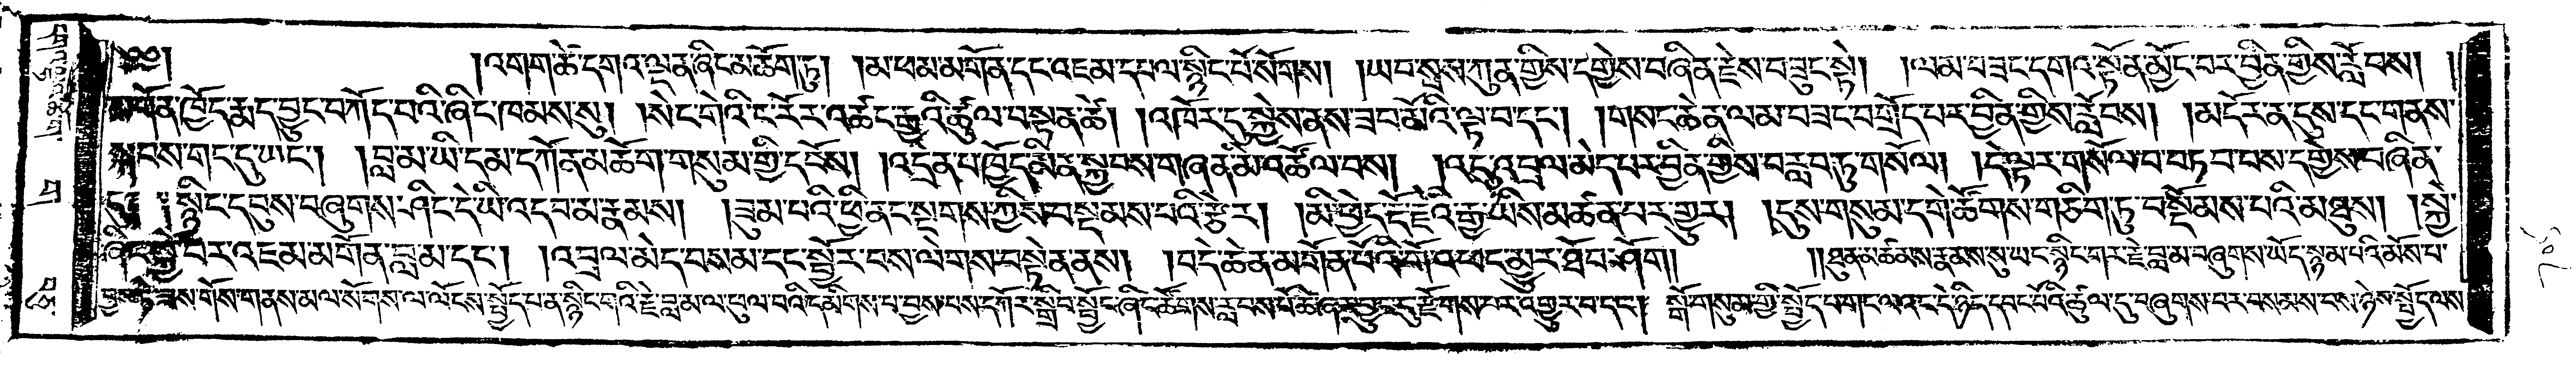༄༅། །འགག་ཚེ་དགའ་ལྡན་ཞིང་མཆོག་ཏུ། །མ་ཕམ་མགོན་དང་འཇམ་དཔལ་སྙིང་པོ་སོགས། །ཡབ་སྲས་ཀུན་གྱིས་དགྱེས་བཞིན་རྗེས་བཟུང་སྟེ། །ལམ་བཟང་དགའ་སྟོན་མྱོང་བར་བྱིན་གྱིས་རློབས། །
མགོན་ཁྱོད་རྨད་བྱུང་བཀོད་པའི་ཞིང་ཁམས་སུ། །སེང་གེའི་ང་རོར་འཚང་རྒྱའི་ཚུལ་བསྟན་ཚེ། །འཁོར་དུ་སྐྱེས་ནས་ཟབ་མོའི་ལྟ་བ་དང་། །གསང་ཆེན་ལམ་བཟང་བགྲོད་པར་བྱིན་གྱིས་རློབས། །མདོར་ན་དུས་དང་གནས་
སྐབས་གང་དུ་ཡང་། །བླ་མ་ཡི་དམ་དཀོན་མཆོག་གསུམ་གྱི་དངོས། །འདྲེན་པ་ཁྱོད་མིན་སྐྱབས་གཞན་མི་འཚོལ་བས། །འདུ་འབྲལ་མེད་པར་བྱིན་གྱིས་བརླབ་ཏུ་གསོལ། །དེ་ལྟར་གསོལ་བ་བཏབ་པས་དགྱེས་བཞིན་
དུ༑ ༑སྙིང་དབུས་བཞུགས་ཤིང་དེ་ཡི་འདབ་མ་རྣམས། །ཟུམ་པའི་ཕྱི་ནང་སྔགས་ཀྱིས་བསྡམས་པའི་རྩེར། །མི་ཕྱེད་རྡོ་རྗེའི་རྒྱ་ཡིས་མཚན་པར་གྱུར། །དུས་གསུམ་དགེ་ཚོགས་གཅིག་ཏུ་བསྡོམས་པའི་མཐུས། །སྐྱེ་
ཞིང་སྐྱེ་བར་འཇམ་མགོན་བླ་མ་དང་། །འབྲལ་མེད་བསམ་དང་སྦྱོར་བས་ལེགས་བསྟེན་ནས། །བདེ་ཆེན་མགོན་པོའི་གོ་འཕང་མྱུར་ཐོབ་ཤོག། །།ཐུན་མཚམས་རྣམས་སུ་ཡང་སྙིང་གར་རྗེ་བླ་མ་བཞུགས་ཡོད་སྙམ་པའི་མོས་པ་
བྱས་ཏེ་ཟས་གོས་གནས་མལ་སོགས་ལ་ལོངས་སྤྱོད་པན་སྙིང་གའི་རྗེ་བླ་མ་ལ་ཕུལ་བའི་དམིགས་པ་བྱས་པས་དཀོར་སྒྲིབ་སྦྱོང་ཞིང་ཚོགས་རླབས་པ་ཆེ་ཞར་བྱུང་དུ་རྫོགས་པར་འགྱུར་བ་དང་། སྒོ་གསུམ་གྱི་སྤྱོད་པ་གང་ལའང་དེ་ཉིད་དབང་པོའི་ཚུལ་དུ་བཞུགས་བར་བསམས་པས་ཉེས་སྤྱོད་ལས་